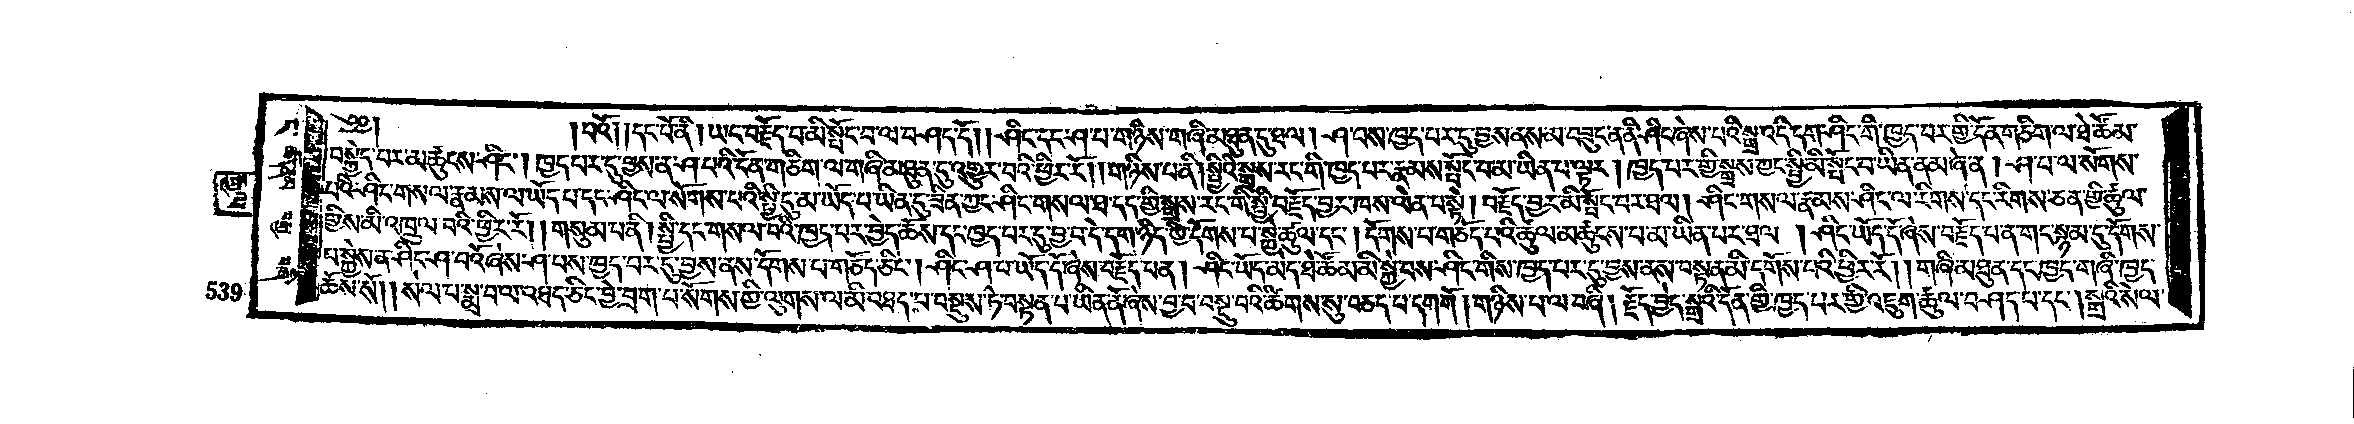༄༅། །པའོ༑ ༑དང་པོ་ནི། ཡང་བརྗོད་པ་མི་སྤོང་བ་ལ་བཤད་དོ། །ཤིང་དང་ཤ་པ་གཉིས་གཞི་མཐུན་དུ་ཐལ། ཤ་པས་ཁྱད་པར་དུ་བྱས་ནས་མ་བཟུང་ན་ནི་ཤིང་ཞེས་པའི་སྒྲ་འདི་དག་ཤིང་གི་ཁྱད་པར་གྱི་དོན་གཅིག་ལ་ཐེ་ཚོམ་
བསྐྱེད་པར་མཚུངས་ཤིང་། ཁྱད་པར་དུ་བྱས་ན་ཤ་པའི་དོན་གཅིག་ལ་གཞི་མཐུན་དུ་འགྱུར་བའི་ཕྱིར་རོ། །གཉིས་པ་ནི། སྤྱིའི་སྒྲས་རང་གི་ཁྱད་པར་རྣམས་སྤོང་བ་མ་ཡིན་པ་ལྟར། ཁྱད་པར་གྱི་སྒྲས་ཀྱང་སྤྱི་མི་སྤོང་བ་ཡིན་ནམ་ཞེ་ན། ཤ་པ་ལ་སོགས་
པའི་ཤིང་གསལ་རྣམས་ལ་ཡོད་པ་དང་ཤིང་ལ་སོགས་པའི་སྤྱི་དུ་མ་ཡོད་པ་ཡིན་དུ་ཟིན་ཀྱང་ཤིང་གསལ་ཐ་དད་གྱི་སྒྲས་རང་གི་སྤྱི་བརྗོད་བྱར་ཁས་ལེན་པ་སྟེ། བརྗོད་བྱར་མི་སྤོང་བར་ཐལ། ཤིང་གསལ་རྣམས་ཤིང་ལ་རིགས་དང་རིགས་ཅན་གྱི་ཚུལ་
གྱིས་མི་འཁྲུལ་པའི་ཕྱིར་རོ། །གསུམ་པ་ནི། སྤྱི་དང་གསལ་བའི་ཁྱད་པར་བྱེད་ཆོས་དང་ཁྱད་པར་དུ་བྱ་བ་དེ་དག་ཉིད་ཀྱི་དོགས་པ་སྐྱེ་ཚུལ་དང་། དོགས་པ་གཅོད་པའི་ཚུལ་མཚུངས་པ་མ་ཡིན་པར་ཐལ། ཤིང་ཡོད་དོ་ཞེས་བརྗོད་པ་ན་གང་སྙམ་དུ་དོགས་
པ་སྐྱེས་ན་ཤིང་ཤ་པའོ་ཞེས་ཤ་པས་ཁྱད་པར་དུ་བྱས་ནས་དོགས་པ་གཅོད་ཅིང་། ཤིང་ཤ་པ་ཡོད་དོ་ཞེས་བརྗོད་པ་ན། ཤིང་ཡོད་མེད་ཐེ་ཚོམ་མི་སྐྱེ་བས་ཤིང་གིས་ཁྱད་པར་དུ་བྱས་ནས་བསྟན་མི་དགོས་པའི་ཕྱིར་རོ། །གཞི་མཐུན་དང་ཁྱད་གཞི་ཁྱད་
ཆོས་སོ། །སེལ་པ་སྨྲ་བ་ལ་འཐད་ཅིང་བྱེ་བྲག་པ་སོགས་ཀྱི་ལུགས་ལ་མི་འཐད་པ་བསྡུས་ཏེ་བསྟན་པ་ཡིན་ནོ་ཞེས་བྱ་བ་བསྡུ་བའི་ཚིགས་སུ་བཅད་པ་དག་གོ །གཉིས་པ་ལ་བཞི། རྗོད་བྱེད་སྒྲའི་དོན་གྱི་ཁྱད་པར་གྱི་འཇུག་ཚུལ་བཤད་པ་དང་། སྒྲའི་སེལ་